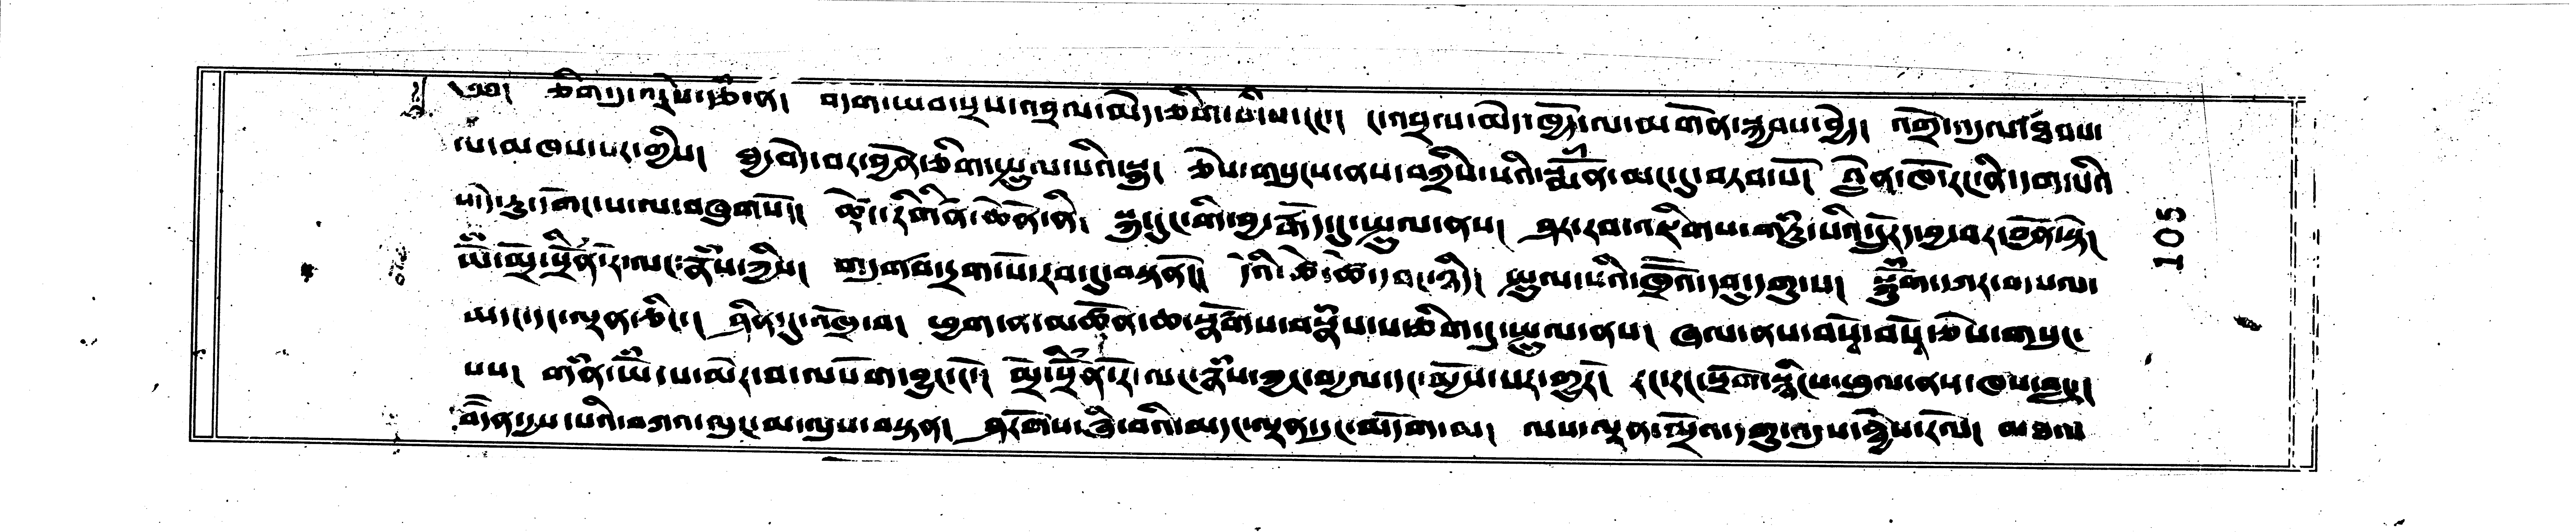གཅིག་ཏུ་འདྲེས་ཙམ་ན། བདག་ཡབ་སྲས་འབྲལ་མེད་གཅིག་གི་ངང་། ང་འབྲལ་མེད་ཁྱོད་ལ་མགོན་སྐྱབས་བྱེད། འགྲོ་འདུལ་ཐབས་
ལ་མཁས་པར་གྱིས། ཐུགས་བདེ་བར་བྱོན་ཅིག་སྤྲུལ་པའི་སྐུ། ཅེས་གསུངས་ནས་བཀྲ་ཤིས་པའི་སྨོན་ལམ་མང་པོ་བཏབ་བོ། བླ་ཆེན་ཁོ་རང་ནི་དག་པའི་
ས་དེ་རུ་དགོངས་པ་ལ་བཞུགས་སོ། ཚེ་དབང་རིག་འཛིན་ཆེན་པོ་ནི། སྐུ་དུང་གི་བྱ་རྒོད་དུ་སྤྲུལ་ནས། ཤར་རབ་འཇིགས་གཏུམ་པའི་དུར་ཁྲོད་བྱ་བར་བྱོན་ཏེ། 
མ་མོ་མཁའ་འགྲོ་སྲིན་པོ་རོ་ལངས་རྣམས་ཀྱིས། གདུག་རྩུབ་དྲག་པོ་རབ་ཏུ་བསྟན་ཏོ། དེའི་ཚེ་ཚེ་དབང་ཉིད། སྤྲུལ་པའི་ཁྲོ་བོ་དབུ་དགུ་པ། སྐུ་མདོག་དཀར་གསལ
མདངས་དང་ལྡན་ཅིང་། ཤིན་ཏུ་འཁྲོ་བ། ཕྱག་ན་མཚོན་ཆ་སྣ་ཚོགས་བསྣམས་པ་ཅིག་ཏུ་སྤྲུལ་ནས། ཞལ་ནས་བསྭོ་བསྭོ་ཅེས་གསུངས་
པས། གནམ་ཡོམ་ས་མེར་བ་ལ་སོགས་བྱུང་ངོ་། མཁའ་འགྲོ་སྲིན་པོ་རོ་ལངས་རྣམས་ཀྱང་བརྒྱལ་དང་མྱོས་པར་གྱུར་ཏོ། རང་རང་སྲོག་སྙིང་ཕུལ་ནས་ཁས་བླངས། 
བདེ་ཆེན་རྒྱས་པའི་བཀའ་ལུང་མ་ལུས་བསྟན། ཤར་ཕྱོགས་ཞི་བའི་མདངས་ལྡན་དུང་མདོག་མ། ལས་ལྡན་མཁའ་འགྲོ་དགུ་འདུས་ཐུགས་རྗེ་རོལ། མཐའ་